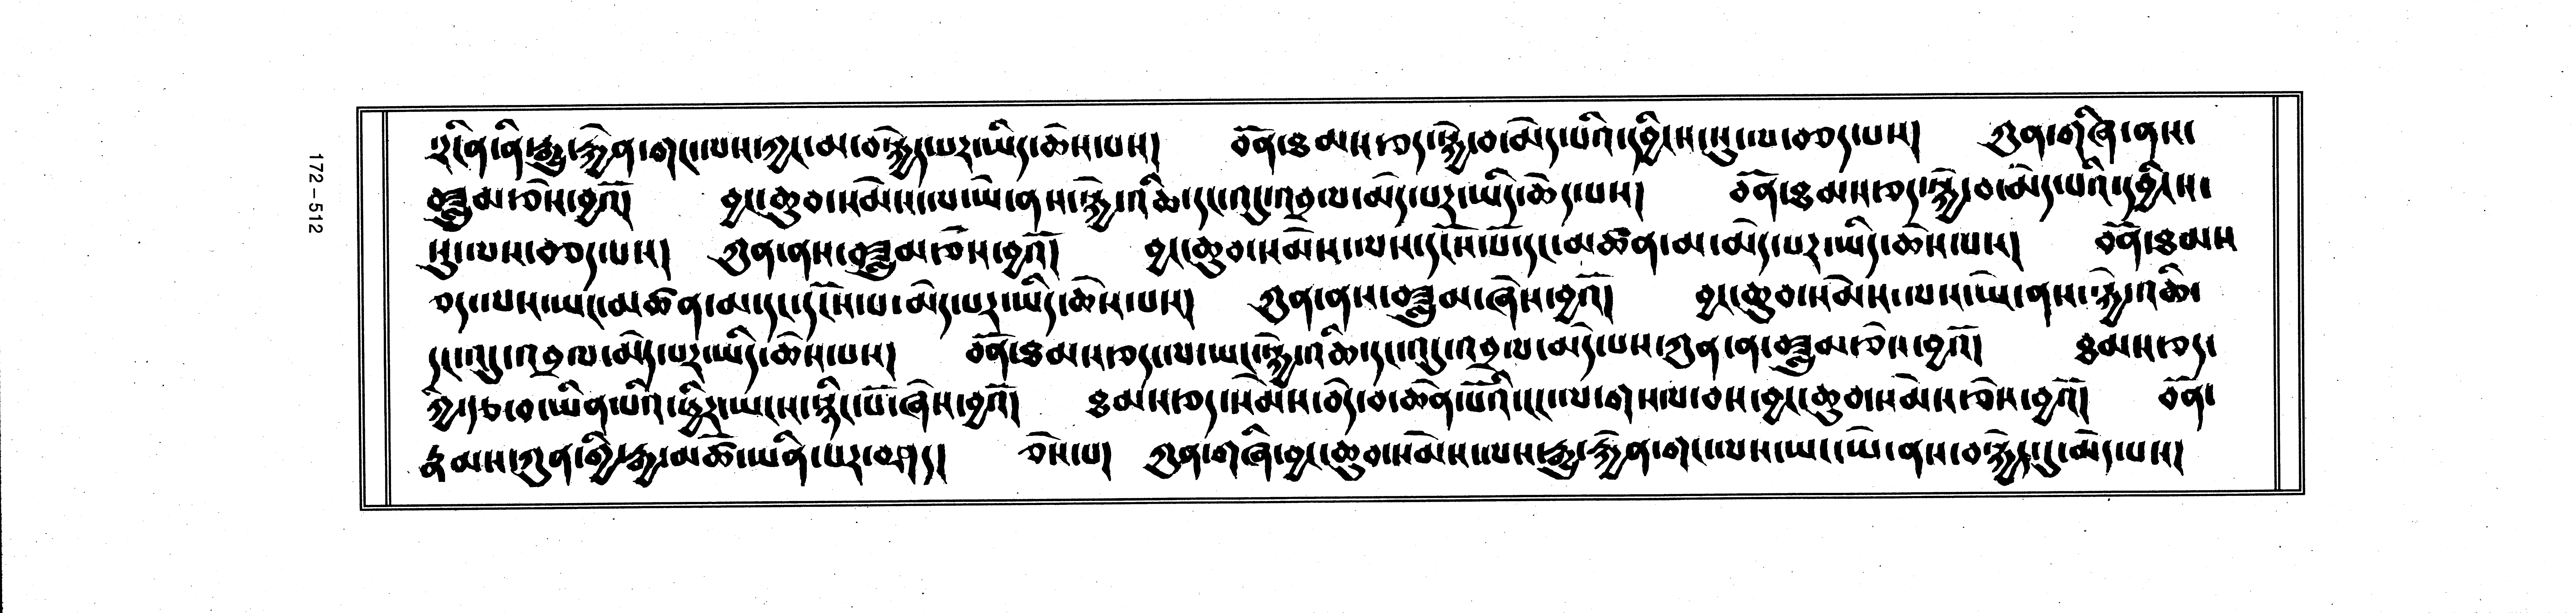རང་བཞིན་ནི་རྒྱུ་རྐྱེན་གང་ལས་ཀྱང་མ་བསྐྱེད་པར་ཡིད་ཆེས་པས། བོན་ཐམས་ཅད་སྐྱེ་བ་མེད་པའི་དབྱིངས་སུ་ལ་བཅས་པས། ཀུན་གཞི་ནས་
བཟླུམ་ཅེས་བྱའོ། བྱང་ཆུབ་སེམས་ལ་ཡེ་ནས་སྐྱེ་འཆི་དང་འདུ་འབྲལ་མེད་པར་ཡིད་ཆེས་པས། བོན་ཐམས་ཅད་སྐྱེ་བ་མེད་པའི་དབྱིངས་
སུ་ལས་བཅད་པས། ཀུན་ནས་བཟླུམ་ཅེས་བྱའོ། བྱང་ཆུབ་སེམས་ལས་དངོས་པོ་དང་མཚན་མ་མེད་པར་ཡིད་ཆེས་པས། བོན་ཐམས་
ཅད་ལས་ཡང་མཚན་མ་དང་དངོས་པོ་མེད་པར་ཡིད་ཆེས་པས། ཀུན་ནས་བཟླུམ་ཞེས་བྱའོ། བྱང་ཆུབ་སེམས་ལས་ཡེ་ནས་སྐྱེ་འཆི་
དང་འདུ་འབྲལ་མེད་པར་ཡིད་ཆེས་པས། བོན་ཐམས་ཅད་ལ་ཡང་སྐྱེ་འཆི་དང་འདུ་འབྲལ་མེད་པས་ཀུན་ན་བཟླུམ་ཅེས་བྱའོ། ཐམས་ཅད་
ཀྱི་རྩ་བ་ཡིན་པའི་ཕྱིར་ཡང་སྙིང་པོ་ཞེས་བྱའོ། ཐམས་ཅད་སེམས་བདེ་བ་ཆེན་པོའི་ངང་ལ་གསལ་བས་བྱང་ཆུབ་སེམས་ཅེས་བྱའོ། བོན་
རྣམས་ཀུན་གྱི་རྒྱ་མཚོ་ཡིན་པར་བཤད། ཅེས་པ། ཀུན་གཞི་བྱང་ཆུབ་སེམས་ལས་རྒྱུ་རྐྱེན་གང་ལས་ཡང་ཡེ་ནས་བསྐྱེད་དུ་མེད་པས།